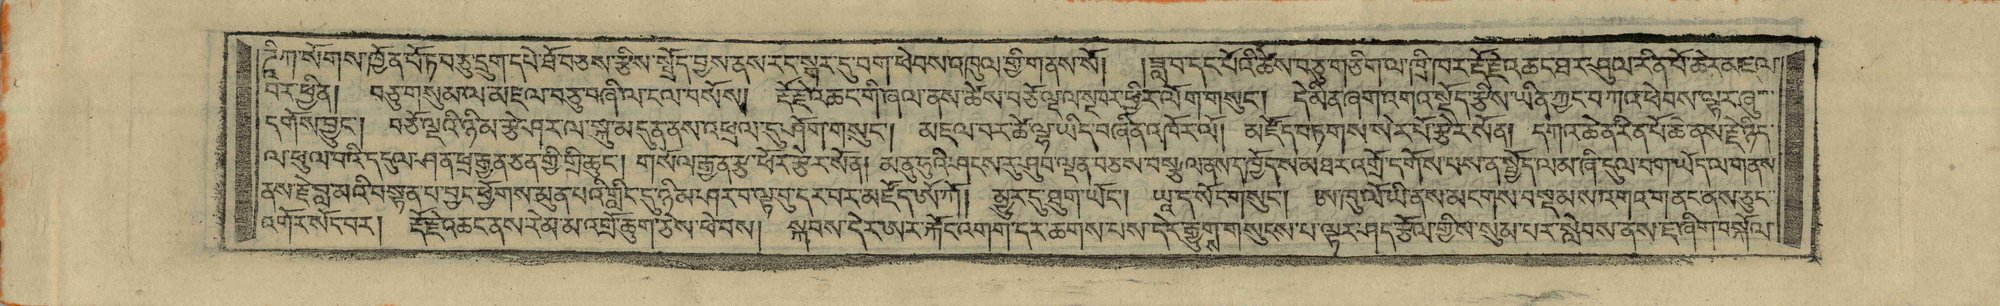ཌཱིཀ་སོགས་ཁྱོན་པོཏ་བཅུ་དྲུག་དཔེ་ཐོ་བཅས་རྩིས་སྤྲོད་བྱས་ནས་རང་སྒར་དུ་བག་ཕེབས་འཁུལ་གྱི་གནས་སོ། །ཟླ་བ་དང་པོའི་ཚེས་བཅུ་གཅིག་ལ་ཁྲི་ཁར་རྡོ་རྗེ་འཆང་ཐར་ཤུལ་རིན་པོ་ཆེར་མཇལ་
བར་ཕྱིན། བཅུ་གསུམ་ལ་མཇལ་བཅུ་བཞི་ལ་ངལ་བསོས། རྡོ་རྗེ་འཆང་གི་ཞལ་ནས་ཚེས་བཅོ་ལྔ་ལ་སྔ་བར་ཕྱིར་ལོག་གསུང་། དེ་མིན་ཞག་འགའ་སྡོད་རྩིས་ཡིན་ཀྱང་བཀའ་ཕེབས་ལྟར་ཞུ་
དགོས་བྱུང་། བཅོ་ལྔའི་ཉི་མ་རྩེ་ཤར་ལ་སྐུ་མདུན་ནས་འཕྲལ་དུ་ཤོག་གསུང་། མཇལ་བར་ཚེ་ལྷ་ཡིད་བཞིན་འཁོར་ལོ། མཛོད་བཏགས་སེར་པོ་རྩེར་སོན། དཀའ་ཆེན་རིན་པོ་ཆེ་ནས་རྗེ་ཉིད་
ལ་ཕུལ་བའི་དངུལ་ཤན་ཕྲ་རྒྱན་ཅན་གྱི་གྲི་ཆུང་། གསོལ་རྒྱན་རྩ་ཕོར་རྩེར་སོན། མ་ནུ་ཧུའི་ཤངས་རུ་ཤུབ་ལྡན་བཅས་བསྩལ་ནས་ད་ཁྱོད་ས་མཐར་འགྲོ་དགོས་པས་ན་སྤྱོད་ལམ་ཞི་དུལ་བག་ཡོད་ལ་གནས་
ནས་རྗེ་བླ་མའི་བསྟན་པ་བྱང་ཕྱོགས་མུན་པའི་གླིང་དུ་ཉི་མ་ཤར་བ་ལྟ་བུ་དར་བར་མཛོད་ཨོ་ཀོ། མྱུར་དུ་ཐུག་ཡོང་། ཡཱ་ད་སོང་གསུང་། ཨ་ཁུ་ལོ་ཡི་ནས་མངགས་བསྡམས་འགའ་གནང་ནས་ཅུང་
འགོར་སོང་བར། རྡོ་རྗེ་འཆང་ནས་རེམ་མ་འགྲོ་ཆུག་ཅེས་ཕེབས། སྐབས་དེར་ཨར་རྐོང་འགག་དར་ཆགས་པས་དེར་རྒྱུགས་གསུངས་པ་ལྟར་ཤད་རྩོལ་གྱིས་སུམ་པར་སླེབས་ནས་ཇ་ཞིག་བསྐོལ་